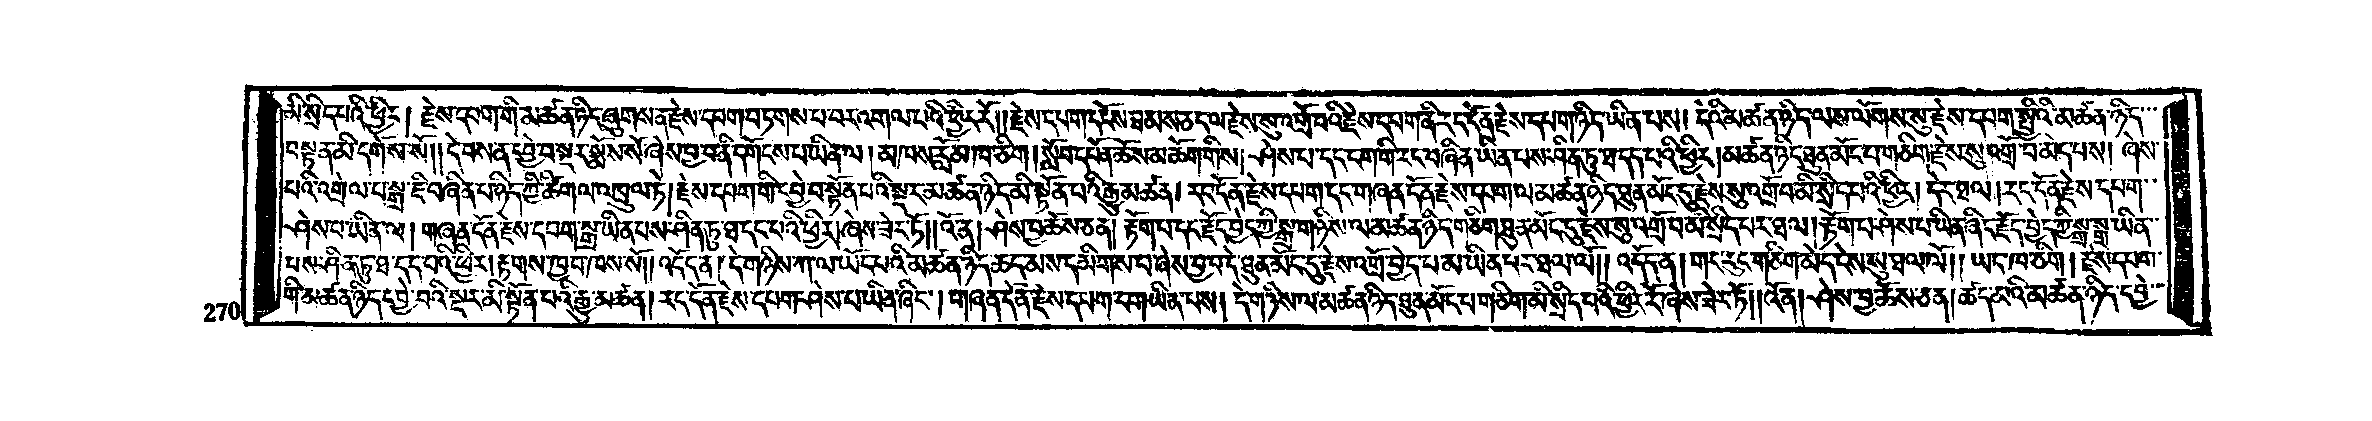མི་སྲིད་པའི་ཕྱིར། རྗེས་དཔག་གི་མཚན་ཉིད་ཞུགས་ན་རྗེས་དཔག་བཏགས་པ་བར་འགལ་བའི་ཕྱིར་རོ། །རྗེས་དཔག་དངོས་ཐམས་ཅད་ལ་རྗེས་སུ་འགྲོ་བའི་རྗེས་དཔག་ནི་རང་དོན་རྗེས་དཔག་ཉིད་ཡིན་པས། དེའི་མཚན་ཉིད་ལས་ལོགས་སུ་རྗེས་དཔག་སྤྱིའི་མཚན་ཉིད་
བསྟན་མི་དགོས་སོ། །དེ་བས་ན་དབྱེ་བ་སྔར་སྨོས་སོ་ཞེས་བྱ་བ་ནི་དགོངས་པ་ཡིན་ལ། མཁས་རློམ་ཁ་ཅིག །སློབ་དཔོན་ཆོས་མཆོག་གིས། ཤེས་པ་དང་ངག་གི་རང་བཞིན་ཡིན་པས་ཤིན་ཏུ་ཐ་དད་པའི་ཕྱིར། མཚན་ཉིད་ཐུན་མོང་བ་གཅིག་རྗེས་སུ་འགྲོ་བ་མེད་པས། ཞེས་
པའི་འགྲེལ་པ་སྒྲ་ཇི་བཞིན་པ་ཉིད་ཀྱི་ཚིག་ལ་འཁྲུལ་ཏེ། རྗེས་དཔག་གི་དབྱེ་བ་སྟོན་པའི་སྔར་མཚན་ཉིད་མི་སྟོན་པའི་རྒྱུ་མཚན། རང་དོན་རྗེས་དཔག་དང་གཞན་དོན་རྗེས་དཔག་ལ་མཚན་ཉིད་ཐུན་མོང་དུ་རྗེས་སུ་འགྲོ་བ་མི་སྲིད་པའི་ཕྱིར། དེར་ཐལ། རང་དོན་རྗེས་དཔག་
ཤེས་པ་ཡིན་ལ། གཞན་དོན་རྗེས་དཔག་སྒྲ་ཡིན་པས་ཤིན་ཏུ་ཐ་དད་པའི་ཕྱིར། ཞེས་ཟེར་ཏོ། །འོ་ན། ཤེས་བྱ་ཆོས་ཅན། རྟོག་པ་དང་རྗོད་བྱེད་ཀྱི་སྒྲ་གཉིས་ལ་མཚན་ཉིད་གཅིག་ཐུན་མོང་དུ་རྗེས་སུ་འགྲོ་བ་མི་སྲིད་པར་ཐལ། རྟོག་པ་ཤེས་པ་ཡིན་ཞིང་རྗོད་བྱེད་ཀྱི་སྒྲ་སྒྲ་ཡིན་
པས་ཤིན་ཏུ་ཐ་དད་པའི་ཕྱིར། རྟགས་ཁྱབ་ཁས་སོ། །འདོད་ན། དེ་གཉིས་ཀ་ལ་ཡོད་པའི་མཚན་ཉིད་ཚད་མས་དམིགས་པ་ཞེས་བྱ་བ་དེ་ཐུན་མོང་དུ་རྗེས་འགྲོ་བྱེད་པ་མ་ཡིན་པར་ཐལ་ལོ། །འདོད་ན། གང་རུང་གཅིག་མེད་ངེས་སུ་ཐལ་ལོ། །ཡང་ཁ་ཅིག་
།རྗེས་དཔག་གི་མཚན་ཉིད་དབྱེ་བའི་སྔར་མི་སྟོན་པའི་རྒྱུ་མཚན། རང་དོན་རྗེས་དཔག་ཤེས་པ་ཡིན་ཞིད། གཞན་དོན་རྗེས་དཔག་ངག་ཡིན་པས། དེ་གཉིས་ལ་མཚན་ཉིད་ཐུན་མོང་བ་གཅིག་མི་སྲིད་པའི་ཕྱིར་རོ་ཞེས་ཟེར་ཏོ། །འོ་ན། ཤེས་བྱ་ཆོས་ཅན། ཚད་མའི་མཚན་ཉིད་དབྱེ་